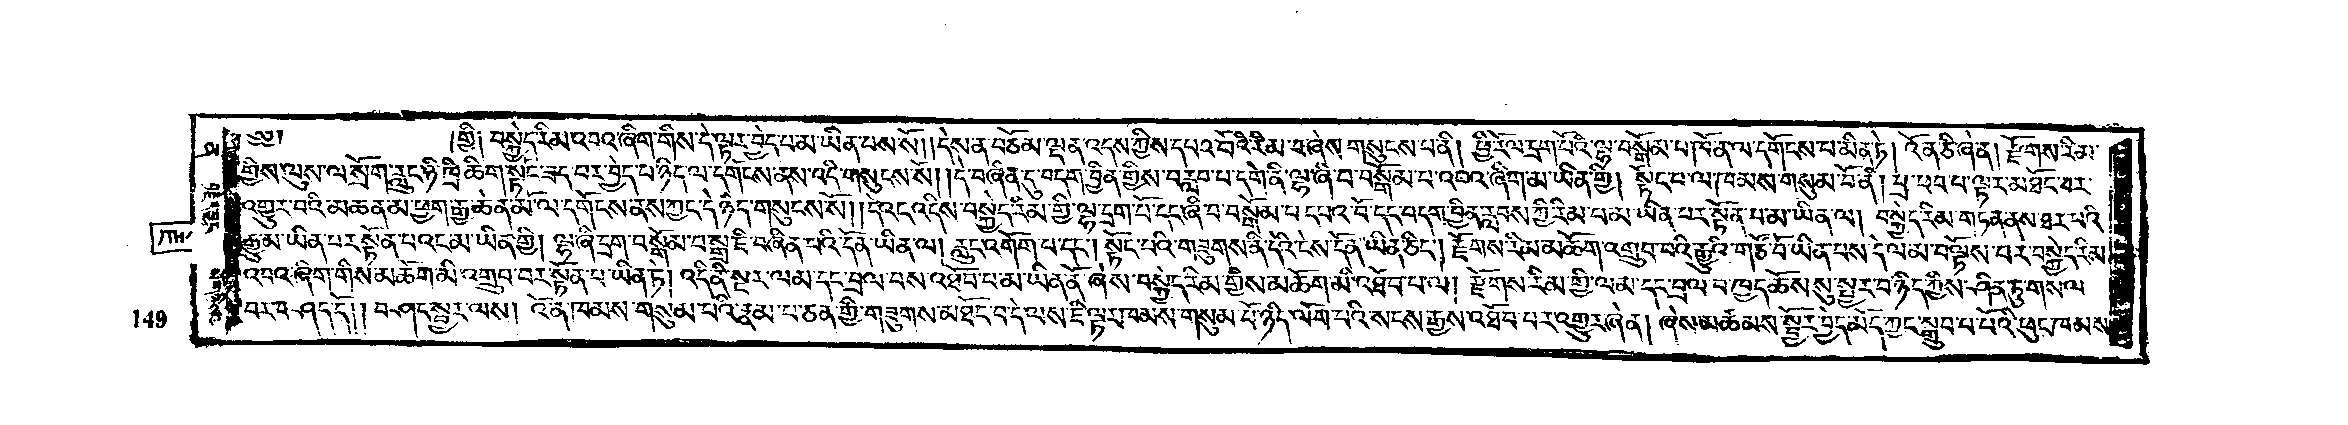༄༅། །གྱི། བསྐྱེད་རིམ་འབའ་ཞིག་གིས་དེ་ལྟར་བྱེད་པ་མ་ཡིན་པས་སོ། །དེས་ན་བཅོམ་ལྡན་འདས་ཀྱིས་དཔའ་བོའི་རིམ་པ་ཞེས་གསུངས་པ་ནི། ཕྱི་རོལ་དྲག་པོའི་ལྷ་བསྒོམ་པ་ཁོ་ན་ལ་དགོངས་པ་མིན་ཏེ། འོ་ན་ཅི་ཞེ་ན། རྫོགས་རིམ་
གྱིས་ལུས་ལ་སྲོག་རླུང་ཉི་ཁྲི་ཆིག་སྟོང་ཟད་པར་བྱེད་པ་ཉིད་ལ་དགོངས་ནས་འདི་གསུངས་སོ། །དེ་བཞིན་དུ་བདག་བྱིན་གྱིས་བརླབ་པ་དགེ་ནི་ལྷ་ཞི་བ་བསྒོམ་པ་འབའ་ཞིག་མ་ཡིན་གྱི། སྟོང་པ་ལ་ཁམས་གསུམ་པོ་ནི། པྲ་ཕབ་པ་ལྟར་མཐོང་བར་
འགྱུར་བའི་མཚན་མ་ཕྱག་རྒྱ་ཆེན་མོ་ལ་དགོངས་ནས་ཀྱང་དེ་ཉིད་གསུངས་སོ། །དེའང་འདིས་བསྐྱེད་རིམ་གྱི་ལྷ་དྲག་པོ་དང་ཞི་བ་བསྒོམ་པ་དཔའ་བོ་དང་བདག་བྱིན་རླབས་ཀྱི་རིམ་པ་མ་ཡིན་པར་སྟོན་པར་མ་ཡིན་ལ། བསྐྱེད་རིམ་གཏན་ནས་ཐར་པའི་
རྒྱུ་མ་ཡིན་པར་སྟོན་པའང་མ་ཡིན་གྱི། ལྷ་ཞི་དྲག་བསྒོམ་པ་སྒྲ་ཇི་བཞིན་པའི་དོན་ཡིན་ལ། རླུང་འགོག་པ་དང་།སྟོང་པའི་གཟུགས་ནི་དེའི་ངེས་དོན་ཡིན་ཅིང་། རྫོགས་རིམ་མཆོག་འགྲུབ་པའི་རྒྱུའི་གཙོ་བོ་ཡིན་པས་དེ་ལ་མ་བལྟོས་པར་བསྐྱེད་རིམ་
འབའ་ཞིག་གིས་མཆོག་མི་འགྲུབ་པར་སྟོན་པ་ཡིན་ཏེ། འདི་ནི་སྔར་ལམ་དང་བྲལ་བས་འཐོབ་པ་མ་ཡིན་ནོ་ཞེས་བསྐྱེད་རིམ་གྱིས་མཆོག་མི་འཐོབ་པ་ལ། རྫོགས་རིམ་གྱི་ལམ་དང་བྲལ་བ་ཁྱད་ཆོས་སུ་སྦྱར་བ་ཉིད་ཀྱིས་ཤིན་ཏུ་གསལ་
བར་བཤད་དོ། །བཤད་སྦྱར་ལས། འོ་ན་ཁམས་གསུམ་པའི་རྣམ་པ་ཅན་གྱི་གཟུགས་མཐོང་བ་དེ་ལས་ཇི་ལྟར་ཁམས་གསུམ་པོ་ཉིད་ལོག་པའི་སངས་རྒྱས་འཐོབ་པར་འགྱུར་ཞེ་ན། ཞེས་མཚམས་སྦྱོར་བྱེད་མོད་ཀྱང་སྒྲུབ་པ་པོའི་ཕུང་ཁམས་